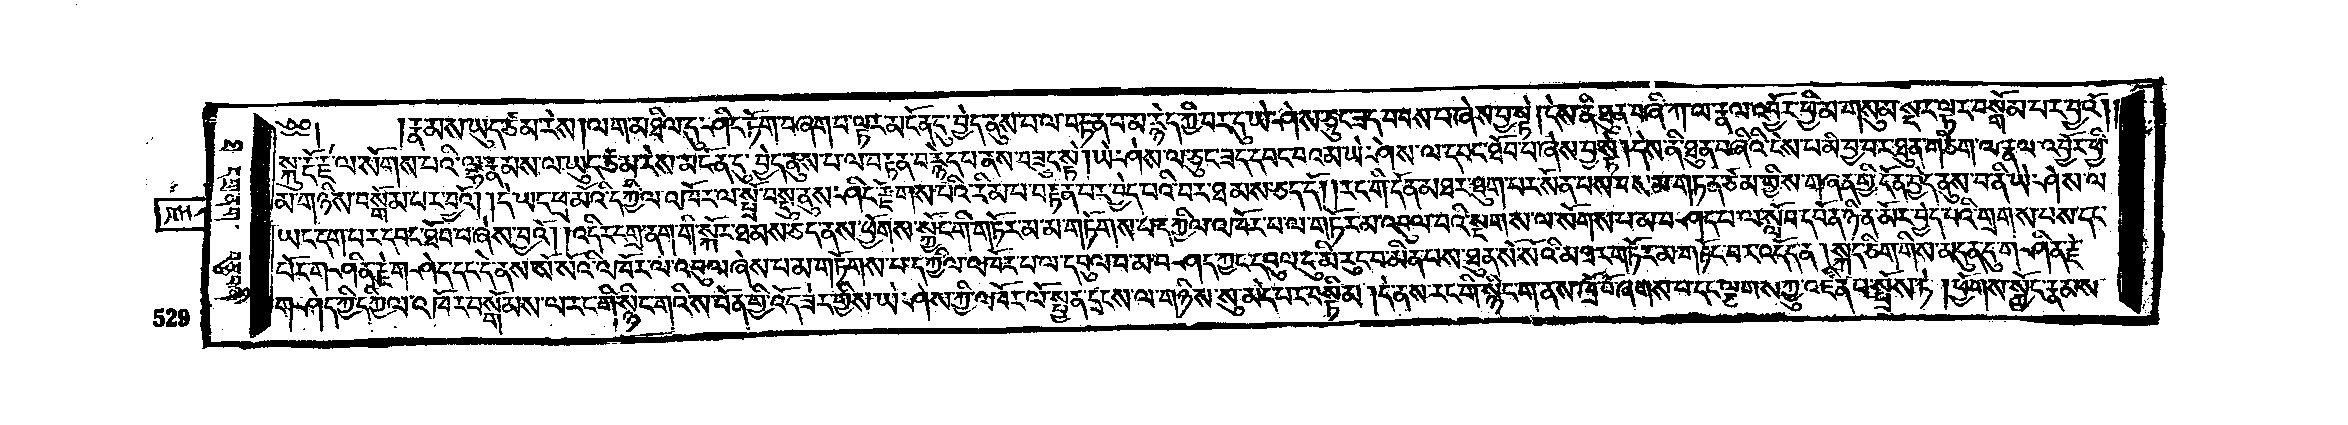༄༅། །རྣམས་ཡུད་ཙམ་རེས། ལག་མཐིལ་དུ་ཤིང་ཏོག་བཞག་བ་ལྟར་མངོན་དུ་བྱེད་ནུས་པ་ལ་བརྟན་པ་མ་རྙེད་ཀྱི་བར་དུ་ཡེ་ཤེས་ཅུང་ཟད་བབས་པ་ཞེས་བྱ་སྟེ། དེས་ནི་ཐུན་བཞི་ཀ་ལ་རྣལ་འབྱོར་ཕྱི་མ་གསུམ་སྔར་ལྟར་བསྒོམ་པར་བྱའོ། །
སྐུ་རྡོ་རྗེ་ལ་སོགས་པའི་ལྷ་རྣམས་ལ་ཡུད་ཙམ་རེས་མངོན་དུ་བྱེད་ནུས་པ་ལ་བརྟན་པ་རྙེད་པ་ནས་བཟུང་སྟེ། ཡེ་ཤེས་ལ་ཅུང་ཟད་དབང་བའམ་ཡེ་ཤེས་ལ་དབང་ཐོབ་པ་ཞེས་བྱ་སྟེ། དེས་ནི་ཐུན་བཞིའི་ངེས་པ་མི་བྱ་བར་ཐུན་གཅིག་ལ་རྣལ་འབྱོར་ཕྱི་
མ་གཉིས་བསྒོམ་པར་བྱའོ། །དེ་ཡང་ཕྲ་མོའི་དཀྱིལ་འཁོར་ལ་སྤྲོ་བསྡུ་ནུས་ཤིང་རྫོགས་པའི་རིམ་པ་བརྟན་པར་བྱེད་པའི་བར་ཐམས་ཅད་དོ། །རང་གི་དོན་མཐར་ཐུག་པར་སོན་པས་བསམ་གཏན་ཙམ་གྱིས་གཞན་གྱི་དོན་བྱེད་ནུས་པ་ནི་ཡེ་ཤེས་ལ་
ཡང་དག་པར་དབང་ཐོབ་པ་ཞེས་བྱའོ། །འདིར་དགྲ་ནག་གི་སྐོར་ཐམས་ཅད་ནས་ཕྱོགས་སྐྱོང་གི་གཏོར་མ་མ་གཏོགས་པ་དཀྱིལ་འཁོར་པ་ལ་གཏོར་མ་འབུལ་བའི་སྔགས་ལ་སོགས་པ་མ་བཤད་པ་ལ་སློབ་དཔོན་ཉིན་མོར་བྱེད་པའི་གྲགས་པས་དང་
པོར་གཤིན་རྗེ་གཤེད་དང་དེ་ནས་སོ་སོའི་འཁོར་ལ་འབུལ་ཞེས་པ་མ་གཏོགས་པ་དཀྱིལ་འཁོར་པ་ལ་དབུལ་བ་ལ་དབུལ་བ་མ་བཤད་ཀྱང་དབུལ་དུ་མི་རུང་བ་མིན་པས་ཐུན་སོ་སོའི་མཐར་གཏོར་མ་གཏོང་བར་འདོད་ན། སྐད་ཅིག་གིས་མདུན་དུ་གཤིན་རྗེ་
གཤེད་ཀྱི་དཀྱིལ་འཁོར་བསྒོམས་ལ་རང་གི་སྙིང་གའི་ས་བོན་གྱི་འོད་ཟེར་གྱིས་ཡེ་ཤེས་ཀྱི་འཁོར་ལོ་སྤྱན་དྲངས་ལ་གཉིས་སུ་མེད་པར་བསྟིམ་།དེ་ནས་རང་གི་སྙིང་ག་ནས་ཁྲོ་བོ་ཞགས་པ་དང་ལྕགས་ཀྱུ་འཛིན་པ་སྤྲོས་ཏེ། ཕྱོགས་སྐྱོང་རྣམས་